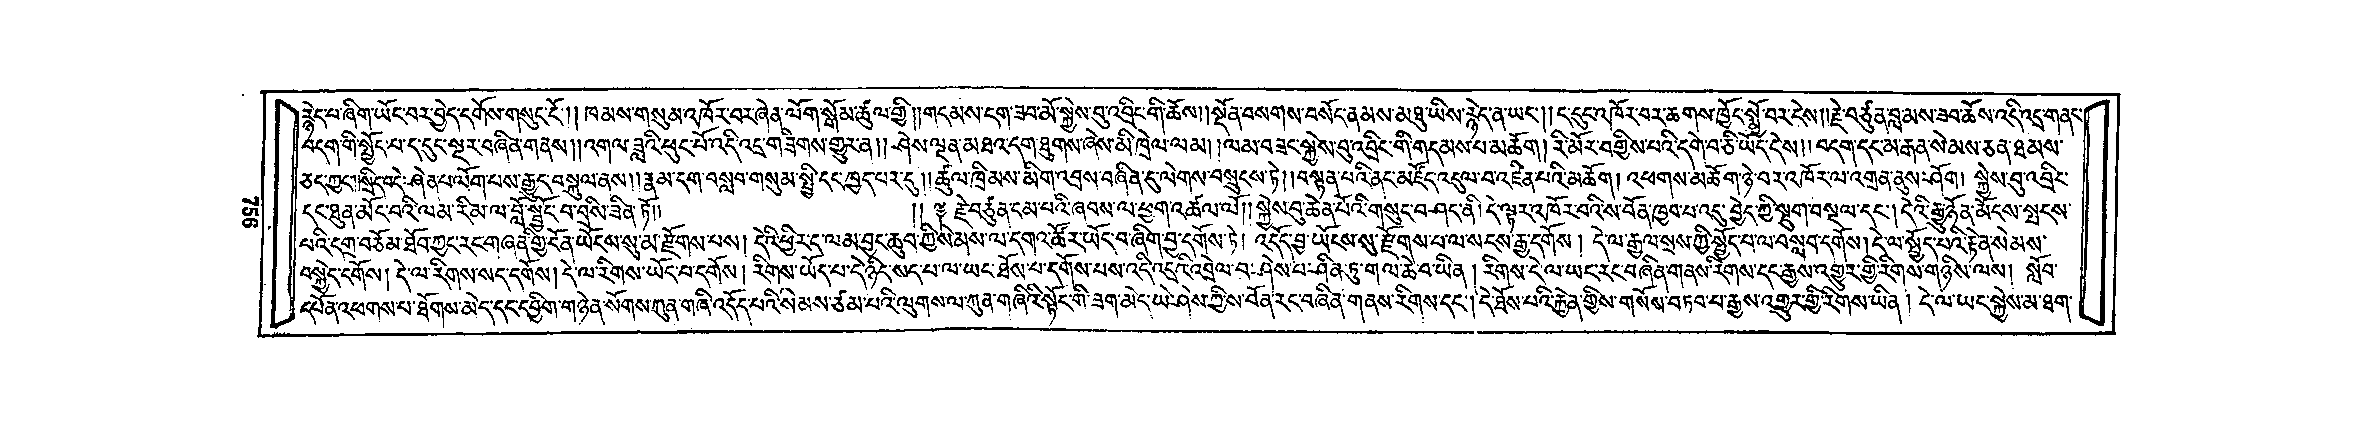རྙེད་པ་ཞིག་ཡོང་བར་བྱེད་དགོས་གསུང་ངོ། །ཁམས་གསུམ་འཁོར་བར་ཞེན་ལོག་སྒོམ་ཚུལ་གྱི། །གདམས་ངག་ཟབ་མོ་སྐྱེས་བུ་འབྲིང་གི་ཆོས། །སྡོན་བསགས་བསོད་ནམས་མཐུ་ཡིས་རྙེད་ན་ཡང་། །ད་དུང་འཁོར་བར་ཆགས་ཁྱོད་སྨྱོ་བར་ངེས། །རྗེ་བཙུན་བླ་མས་ཟབ་ཆོས་འདི་འདྲ་གནང་
བདག་གི་སྤྱོད་པ་ད་དུང་སྔར་བཞིན་གནས། །འགལ་ཟླའི་ཕུང་པོ་འདི་འདྲ་གཟིགས་གྱུར་ན། །ཤེས་ལྡན་མཐའ་དག་ཐུགས་ཞེས་མི་ཁྲེལ་ལམ། །ལམ་བཟང་སྐྱེས་བུ་འབྲིང་གི་གདམས་པ་མཆོག །རི་མོར་བགྱིས་པའི་དགེ་བ་ཅི་ཡོད་དེས། །བདག་དང་མ་རྒན་སེམས་ཅན་ཐམས་
ཅད་ཀྱང་། །སྲིད་བདེ་ཞེན་པ་ལོག་པས་རྒྱུད་བསྐུལ་ནས། །རྣམ་དག་བསླབ་གསུམ་སྤྱི་དང་ཁྱད་པར་དུ། །ཚུལ་ཁྲིམས་མིག་འབྲས་བཞིན་དུ་ལེགས་བསྲུངས་ཏེ། །བསྟན་པའི་ནང་མཛོད་འདུལ་བ་འཛིན་པའི་མཆོག །འཕགས་མཆོག་ཉེ་བར་འཁོར་ལ་འགྲན་ནུས་ཤོག །སྐྱེས་བུ་འབྲིང་
དང་ཐུན་མོང་བའི་ལམ་རིམ་ལ་བློ་སྦྱོང་བ་བྲིས་ཟིན་ཏོ།། །།
༈ རྗེ་བཙུན་དམ་པའི་ཞབས་ལ་ཕྱག་འཚལ་ལོ། །སྐྱེས་བུ་ཆེན་པོའི་གསུང་བཤད་ནི། དེ་ལྟར་འཁོར་བའི་ས་བོན་ཁྱབ་པ་འདུ་བྱེད་ཀྱི་སྡུག་བསྔལ་དང་། དེའི་རྒྱུ་ཉོན་མོངས་སྤངས་
པའི་དགྲ་བཅོམ་ཐོབ་ཀྱང་རང་གཞན་གྱི་དོན་ཡོངས་སུ་མ་རྫོགས་པས། དེའི་ཕྱིར་ད་ལམ་བྱང་ཆུབ་ཀྱི་སེམས་ལ་དགའ་ཚོར་ཡོད་བ་ཞིག་བྱ་དགོས་ཏེ། འདོད་བྱ་ཡོངས་སུ་རྫོགས་པ་ལ་སངས་རྒྱ་དགོས། དེ་ལ་རྒྱལ་སྲས་ཀྱི་སྤྱོད་པ་ལ་བསླབ་དགོས། དེ་ལ་སྤྱོད་པའི་རྟེན་སེམས་
བསྐྱེད་དགོས། དེ་ལ་རིགས་སད་དགོས། དེ་ལ་རིགས་ཡོད་པ་དགོས། རིགས་ཡོད་པ་དེ་ཉིད་སད་པ་ལ་ཡང་ཐོས་པ་དགོས་པས་འདི་འདྲའི་འབྲེལ་བ་ཤེས་པ་ཤིན་ཏུ་གལ་ཆེ་བ་ཡིན། རིགས་དེ་ལ་ཡང་རང་བཞིན་གནས་རིགས་དང་རྒྱས་འགྱུར་གྱི་རིགས་གཉིས་ལས། སློབ་
དཔོན་འཕགས་པ་ཐོགས་མེད་དང་དབྱིག་གཉེན་སོགས་ཀུན་གཞི་འདོད་པའི་སེམས་ཙམ་པའི་ལུགས་ལ་ཀུན་གཞིའི་སྟོང་གི་ཟག་མེད་ཡེ་ཤེས་ཀྱི་ས་བོན་རང་བཞིན་གནས་རིགས་དང་། དེ་ཐོས་པའི་རྐྱེན་གྱིས་གསོས་བཏབ་པ་རྒྱས་འགྱུར་གྱི་རིགས་ཡིན། དེ་ལ་ཡང་སྐྱེས་མ་ཐག་